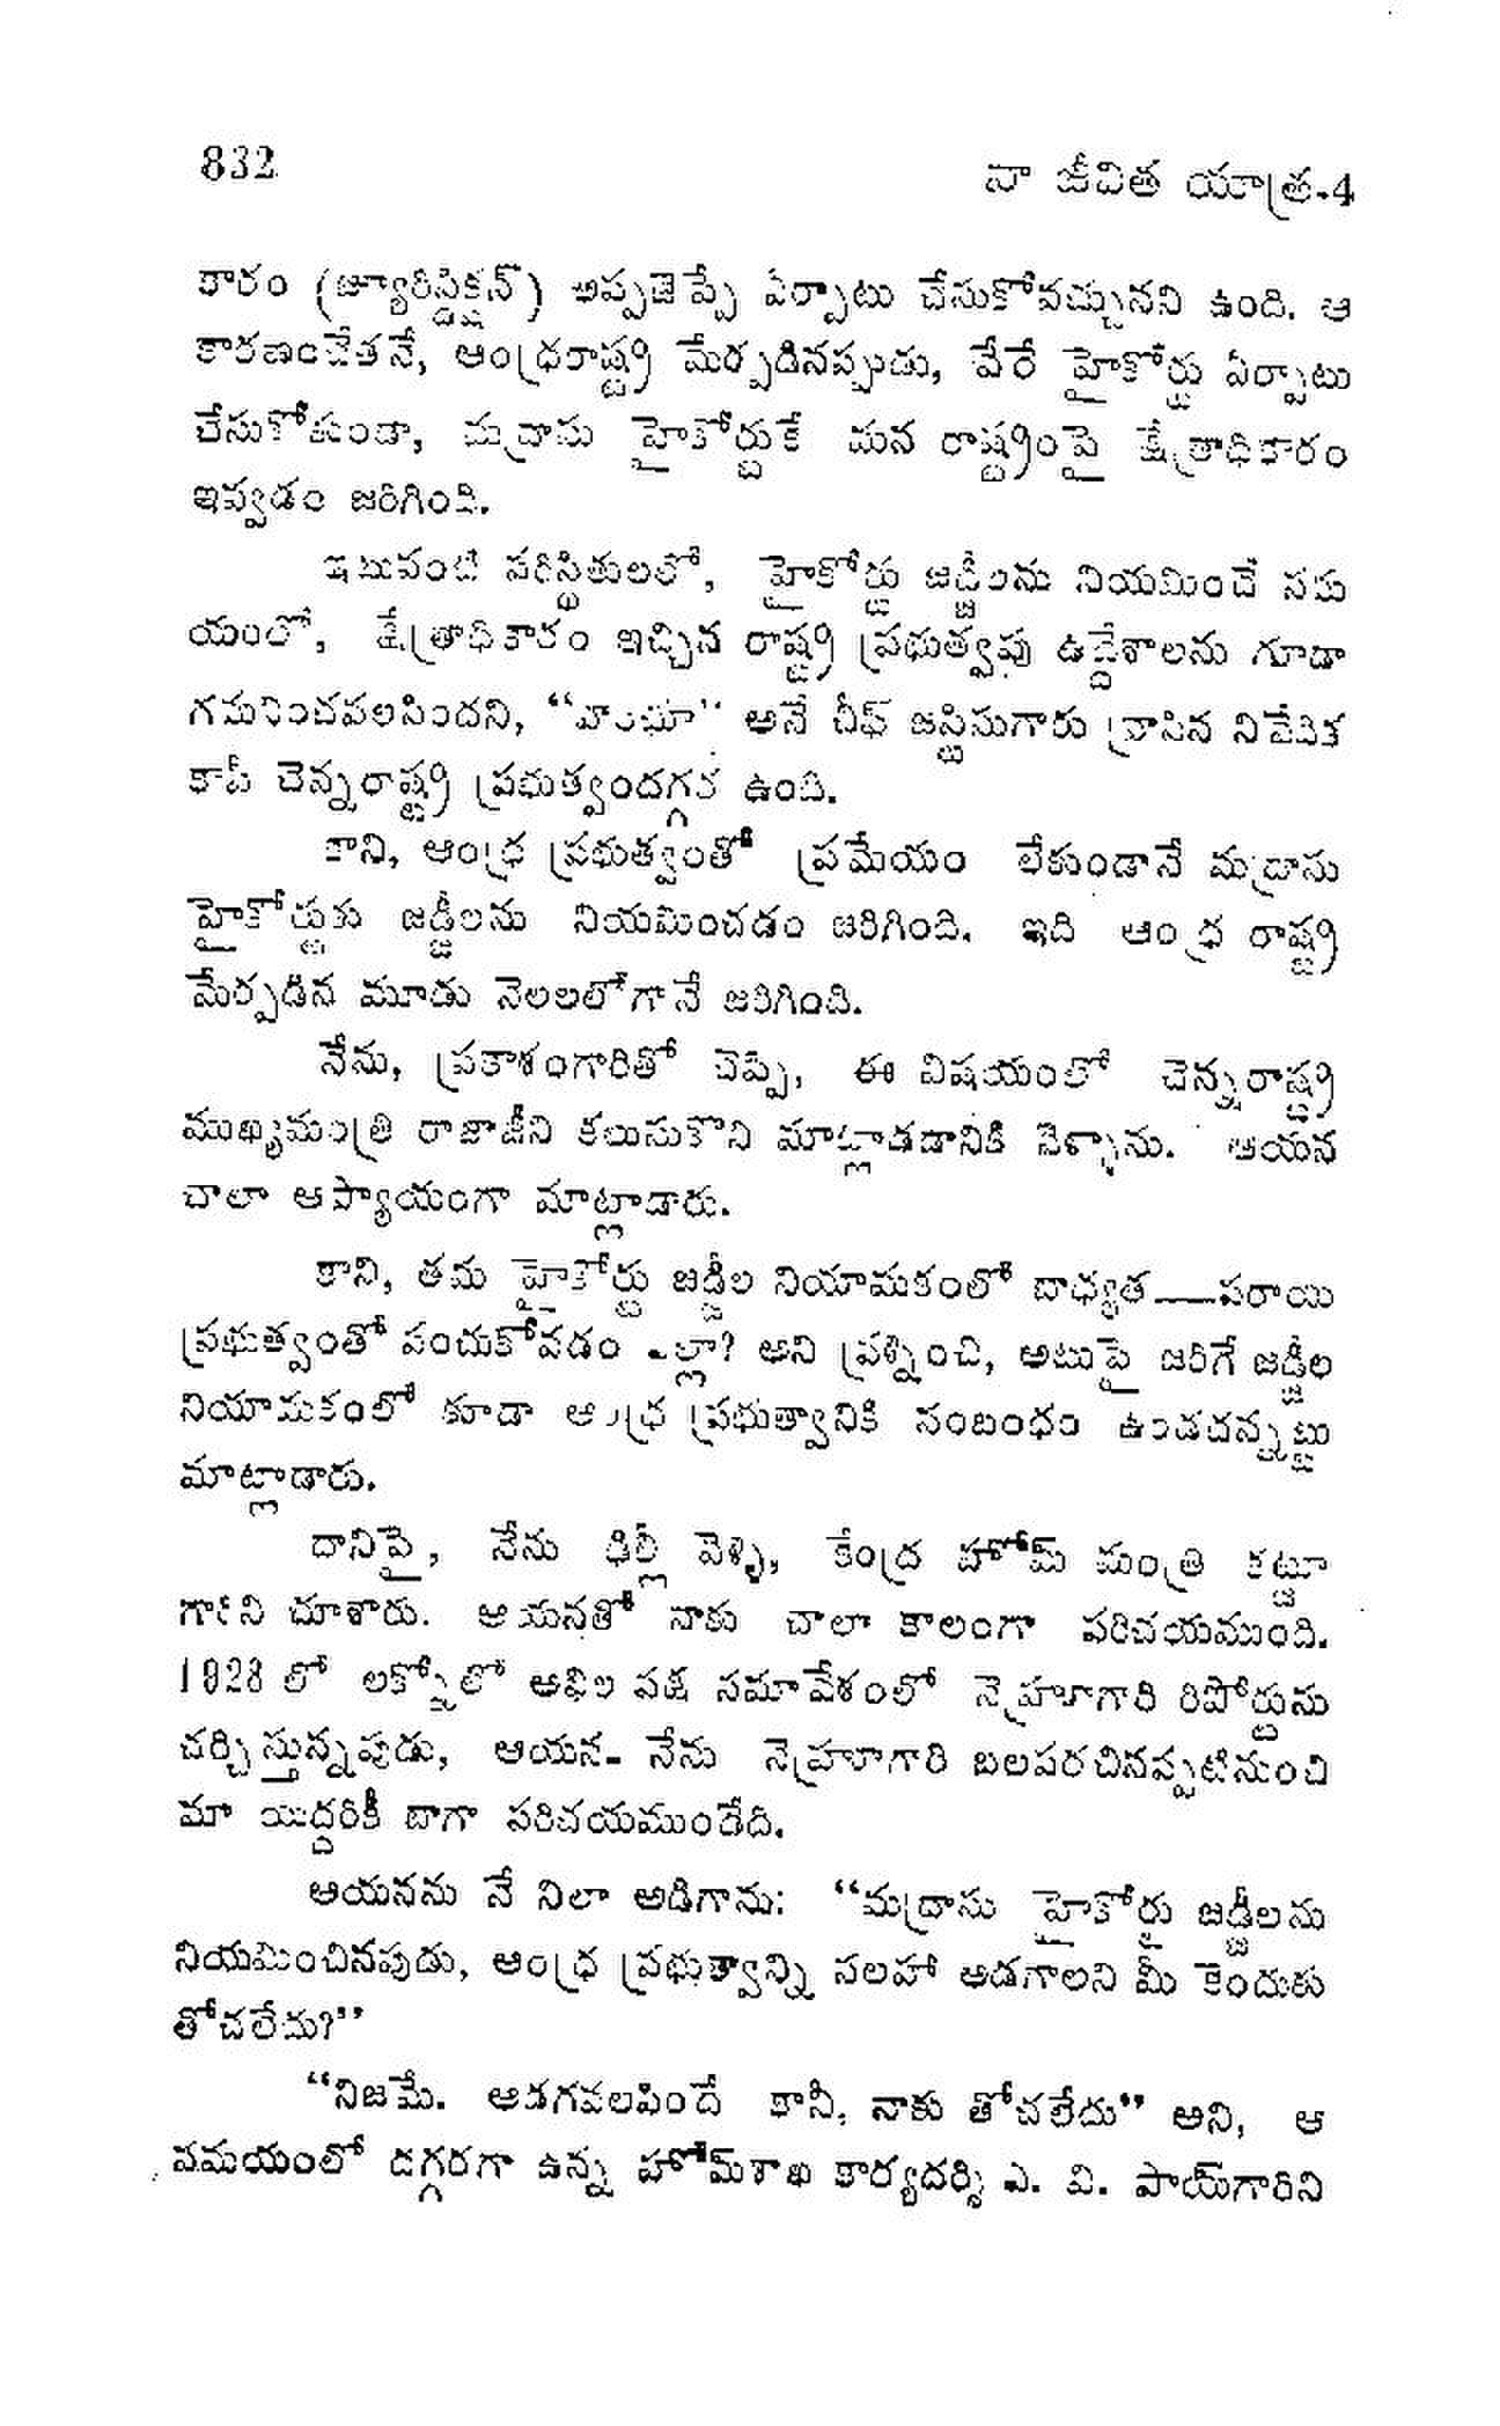కారం (జ్యూరిస్డిక్షన్) అప్పజెప్పే ఏర్పాటు చేసుకోవచ్చునని ఉంది. ఆ కారణంచేతనే, ఆంధ్రరాష్ట్ర మేర్పడినప్పుడు, వేరే హైకోర్టు ఏర్పాటు చేసుకోకుండా, మద్రాసు హైకోర్టుకే మన రాష్ట్రంపై క్షేత్రాధికారం ఇవ్వడం జరిగింది.

ఇటువంటి పరిస్థితులలో, హైకోర్టు జడ్జీలను నియమించే సమయంలో, క్షేత్రాధికారం ఇచ్చిన రాష్ట్ర ప్రభుత్వపు ఉద్దేశాలను గూడా గమనించవలసిందని, "వాంఛూ" అనే చీఫ్ జస్టిసుగారు వ్రాసిన నివేదిక కాపీ చెన్నరాష్ట్ర ప్రభుత్వందగ్గర ఉంది.

కాని, ఆంధ్ర ప్రభుత్వంతో ప్రమేయం లేకుండానే మద్రాసు హైకోర్టుకు జడ్జీలను నియమించడం జరిగింది. ఇది ఆంధ్ర రాష్ట్ర మేర్పడిన మూడు నెలలలోగానే జరిగింది.

నేను, ప్రకాశంగారితో చెప్పి, ఈ విషయంలో చెన్నరాష్ట్ర ముఖ్యమంత్రి రాజాజీని కలుసుకొని మాట్లాడడానికి వెళ్ళాను. ఆయన చాలా ఆప్యాయంగా మాట్లాడారు.

కాని, తమ హైకోర్టు జడ్జీల నియామకంలో బాధ్యత - పరాయి ప్రభుత్వంతో పంచుకోవడం ఎల్లా? అని ప్రశ్నించి, అటుపై జరిగే జడ్జీల నియామకంలో కూడా ఆంధ్ర ప్రభుత్వానికి సంబంధం ఉండదన్నట్టు మాట్లాడారు.

దానిపై, నేను ఢిల్లీ వెళ్ళి, కేంద్ర హోమ్ మంత్రి కట్జూ గారిని చూశాను. ఆయనతో నాకు చాలా కాలంగా పరిచయముంది. 1928 లో లక్నోలో అఖిల పక్ష సమావేశంలో నెహ్రూగారి రిపోర్టును చర్చిస్తున్నపుడు, ఆయన - నేను నెహ్రూగారి బలపరచినప్పటినుంచి మా యిద్దరికీ బాగా పరిచయముండేది.

ఆయనను నే నిలా అడిగాను: "మద్రాసు హైకోర్టు జడ్జీలను నియమించినపుడు, ఆంధ్ర ప్రభుత్వాన్ని సలహా అడగాలని మీ కెందుకు తోచలేదు?"

"నిజమే. అడగవలసిందే కానీ, నాకు తోచలేదు" అని, ఆ సమయంలో దగ్గరగా ఉన్న హోమ్‌శాఖ కార్యదర్శి ఎ.వి. పాయ్‌గారిని